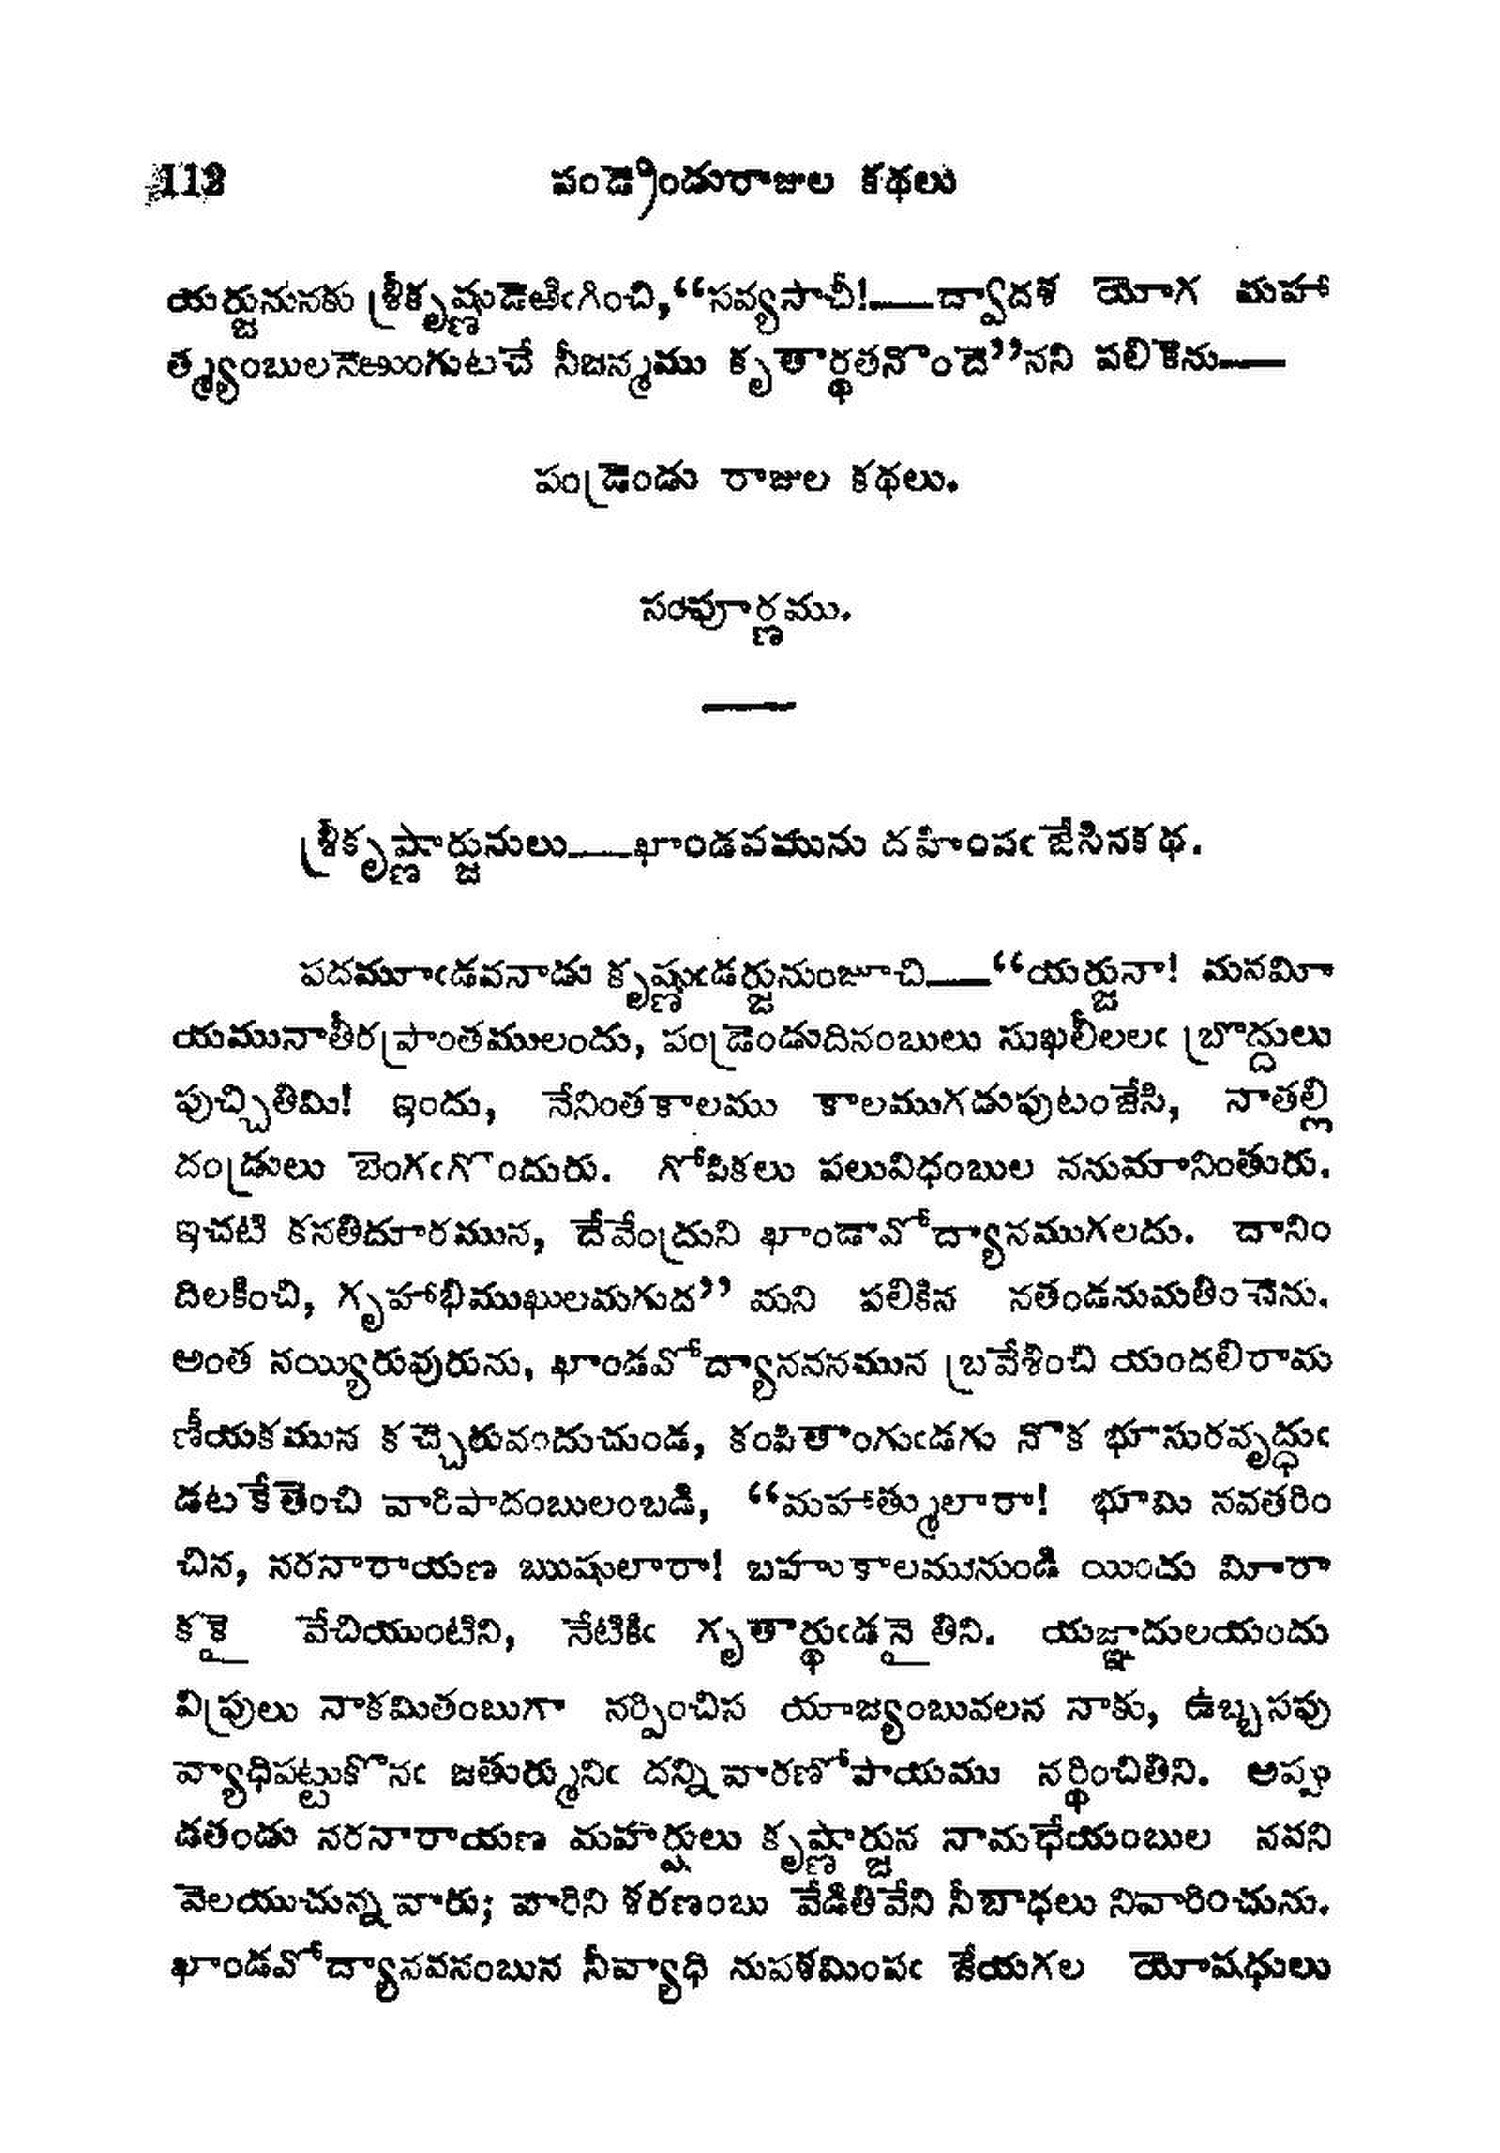యర్జునునకు శ్రీకృష్ణుడెఱిఁగించి, “ సవ్యసాచీ! ——ద్వాదశ యోగ మహాత్మ్యంబుల నెఱుంగుటచే నీజన్మము కృతార్థత నొందె"నని పలికెను.——

పదమూఁడవనాడు కృష్ణుఁడర్జునుంజూచి——“యర్జునా! మనమీ యమునాతీరప్రాంతములందు, పండ్రెండుదినంబులు సుఖలీలలఁ బ్రోద్దులు పుచ్చితిమి! ఇందు, నేనింత కాలము కాలముగడుపుటం జేసి, నాతల్లిదండ్రులు బెంగఁ గొందురు. గోపికలు పలువిధంబుల ననుమానింతురు, ఇచటి కనతిదూరమున, దేవేంద్రుని ఖాండావోద్యానముగలదు. దానిం
దిలకించి, గృహాభిముఖులమగుద" మని పలికిన నతండనుమతించెను, అంత నయ్యిరువురును, ఖాండవోద్యానవనమున బ్రవేశించి యందలిరామణీయకమున కచ్చెరువందుచుండ, కంపితాంగుఁడగు నొక భూసురవృద్ధుఁడట కేతెంచి వారి పాదంబులంబడి, “మహాత్ములారా! భూమి నవతరించిన, నరనారాయణ ఋషులారా! బహుకాలమునుండి యిందు మీరాకకై
వేచియుంటిని, నేటికిఁ గృతార్థుఁడనై తిని. యజ్ఞాదులయందు విప్రులు నాకమితంబుగా నర్పించిన యాజ్యంబువలన నాకు, ఉబ్బసపు వ్యాధిపట్టుకొనఁ జతుర్మునిఁ దన్ని వారణోపాయము నర్థించితిని. అప్పుడతండు నరనారాయణ మహర్షులు కృష్ణార్జున నామధేయంబుల నవని వెలయుచున్న వారు, వారిని శరణంబు వేడితివేని నీ బాధలు నివారించును.
ఖాండవోద్యానవనంబున నీవ్యాధి నుపశమింపఁ జేయగల యోషధులు